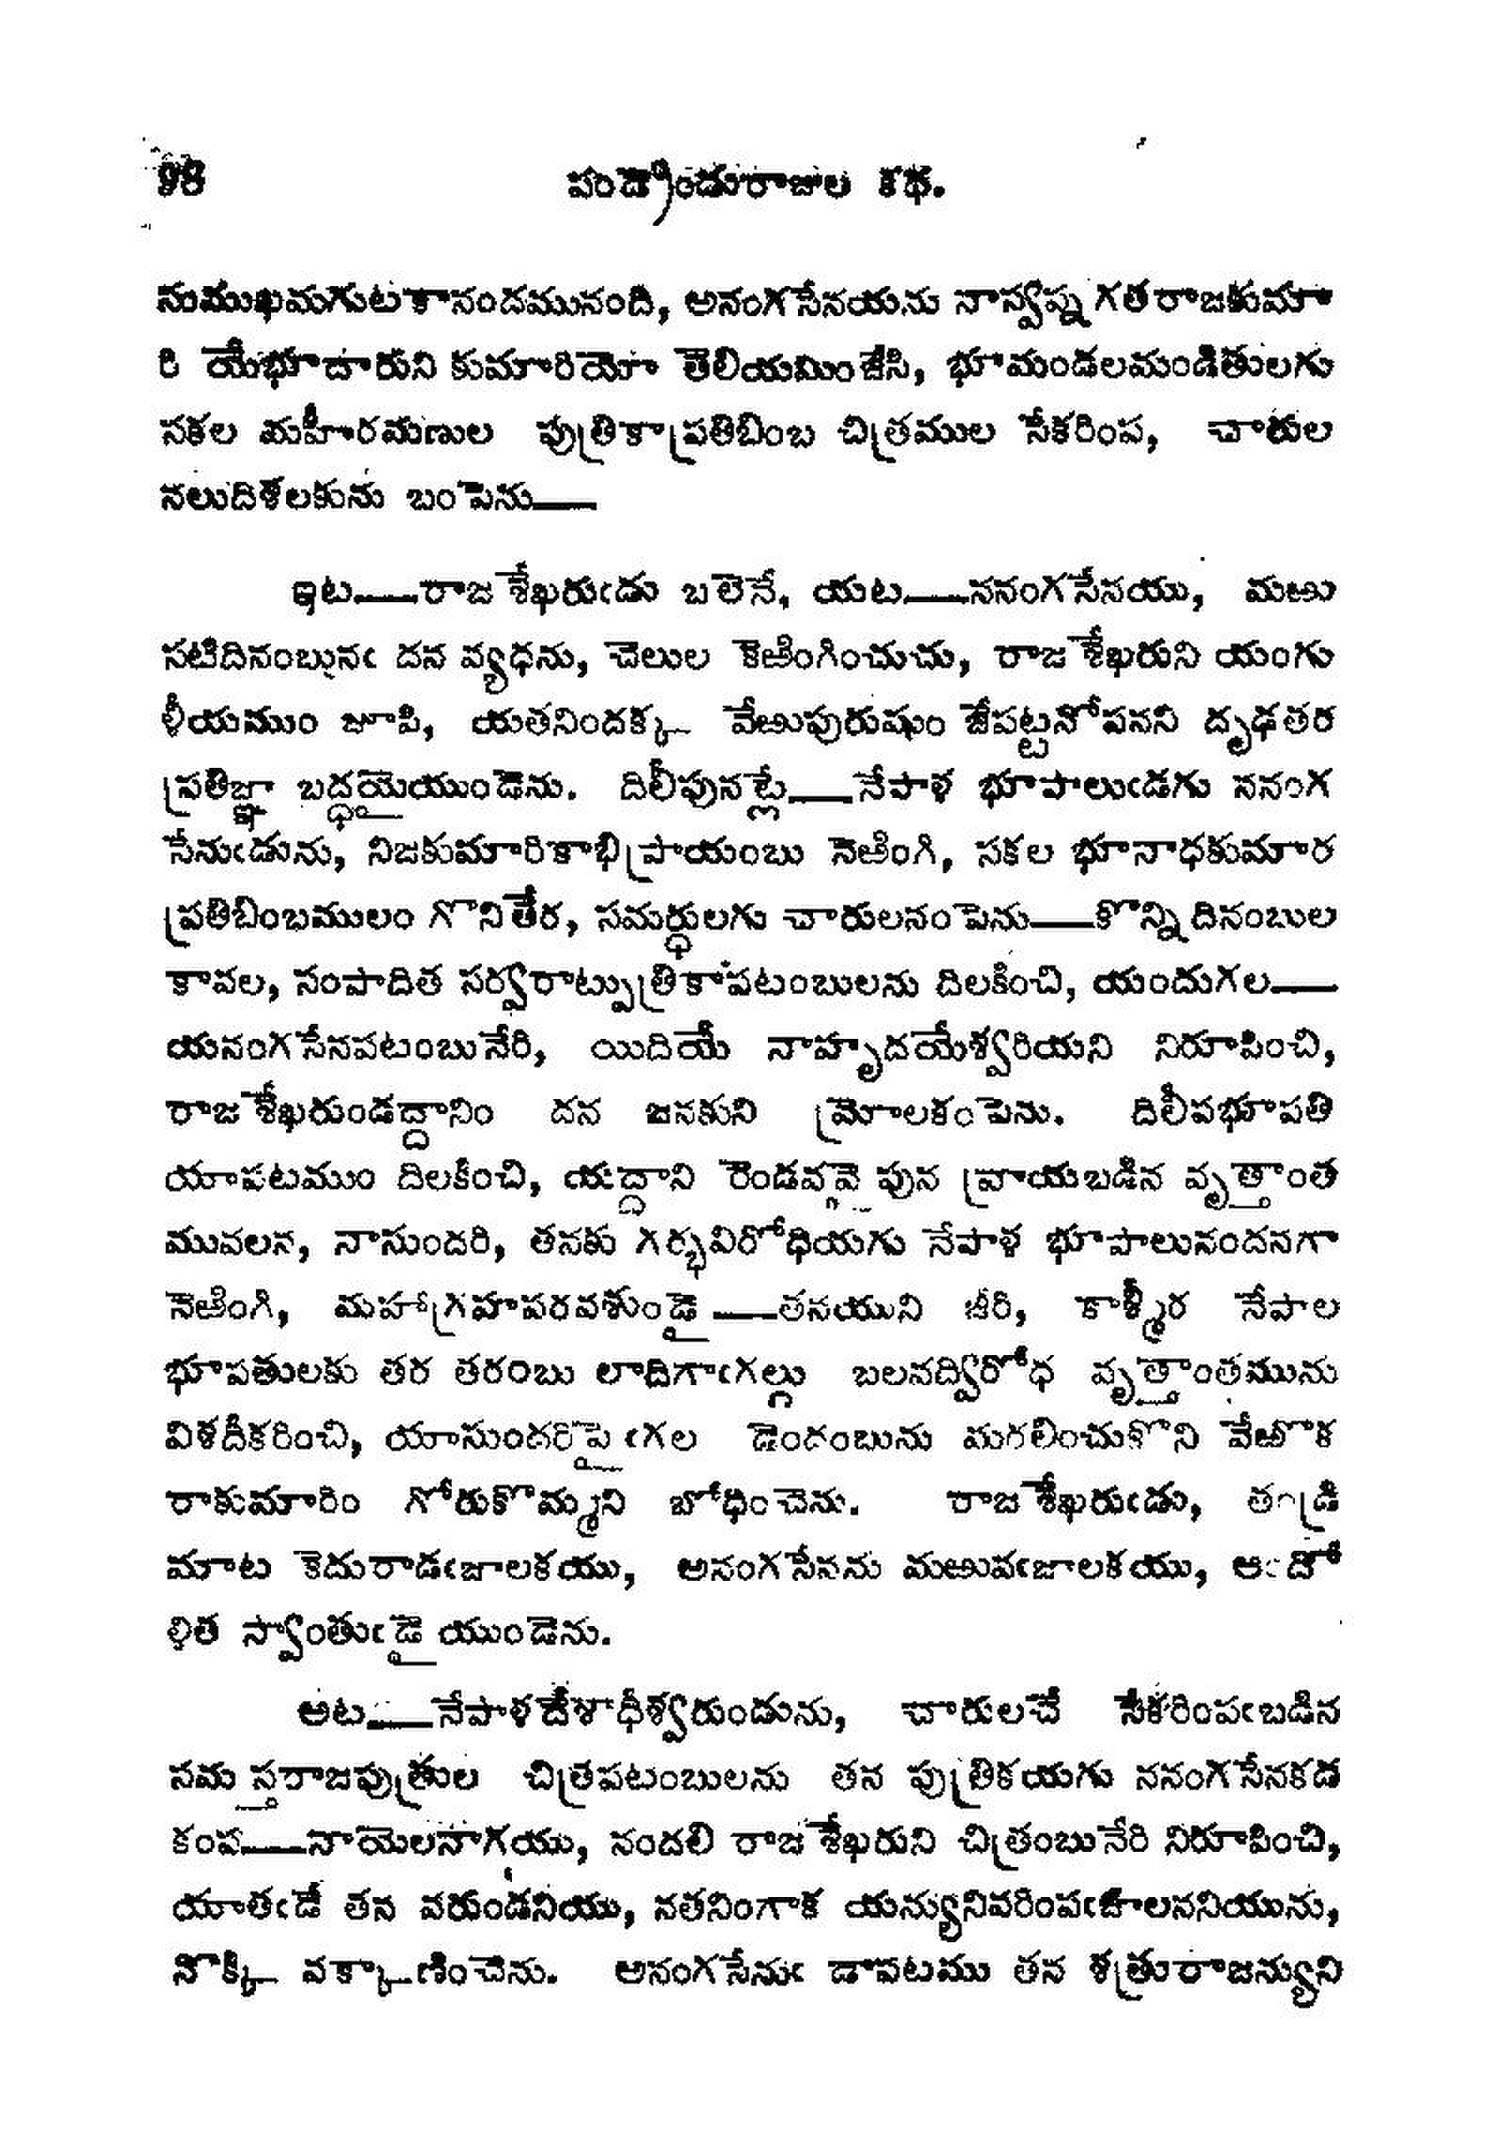సుముఖమగుటకానందమునంది, అనంగసేనయను నాస్వప్న గత రాజకుమారి యేభూదారుని కుమారియో తెలియమింజేసి, భూమండలమండితులగు సకల మహీరమణుల పుత్రికా ప్రతిబింబ చిత్రముల సేకరింప, చారుల నలుదిశలకును బంపెను——

ఇట——రాజశేఖరుఁడు బలెనే, యట——ననంగసేనయు, మఱుసటి దినంబునఁ దన వ్యధను, చెలుల కెఱింగించుచు, రాజశేఖరుని యంగుళీయముం జూపి, యతనిందక్క వేఱుపురుషుం జేపట్టనోపనని దృఢతర ప్రతిజ్ఞా బద్ధయైయుండెను. దిలీపునట్లే——నేపాళ భూపాలుఁడగు ననంగసేనుఁడును, నిజకుమారికాభిప్రాయంబు నెఱింగి, సకల భూనాధకుమార
ప్రతిబింబములం గొనితేర, సమర్ధులగు చారులనంపెను——కొన్ని దినంబుల కావల, సంపాదిత సర్వరాట్పుత్రికావటంబులను దిలకించి, యందుగల——యనంగసేన పటంబు నేరి, యిదియే నాహృదయేశ్వరియని నిరూపించి, రాజశేఖరుండద్దానిం దన మ్రోలకంపెను. దిలీవభూపతి యాపటముం దిలకించి, యద్దాని రెండవ వైపున వ్రాయబడిన వృత్తాంతమువలన, నాసుందరి, తనకు గర్భవిరోధియగు నేపాళ భూపాలునందనగా నెఱింగి, మహాగ్రహపరవశుండై——తనయుని జీరి, కాశ్మీర నేపాల భూపతులకు తర తరంబు లాదిగాఁగల్గు బలవద్విరోధ వృత్తాంతమును విశదీకరించి, యాసుందరిపైఁ గల డెందంబును మరలించుకొని వేఱోకరాకుమారిం గోరుకొమ్మని బోధించెను. రాజశేఖరుఁడు, తండ్రి మాట కెదురాడఁ జాలకయు, అనంగసేనను మఱువఁజాలకయు, ఆందోళిత స్వాంతుఁడై యుండెను.

అట——నేపాళ దేశాధీశ్వరుండును, చారులచే సేకరింపబడిన సమస్తరాజపుత్రుల చిత్రపటంబులను తన పుత్రిక యగు ననంగసేనకడ కంప——నాయెలనాగయు, నందలి రాజశేఖరుని చిత్రంబునేరి నిరూపించి, యాతఁడే తన వరుండనియు, నతనింగాక యన్యునివరింపజాలననియును, నొక్కి వక్కాణించెను. అనంగసేను డాపటము తన శత్రురాజన్యుని